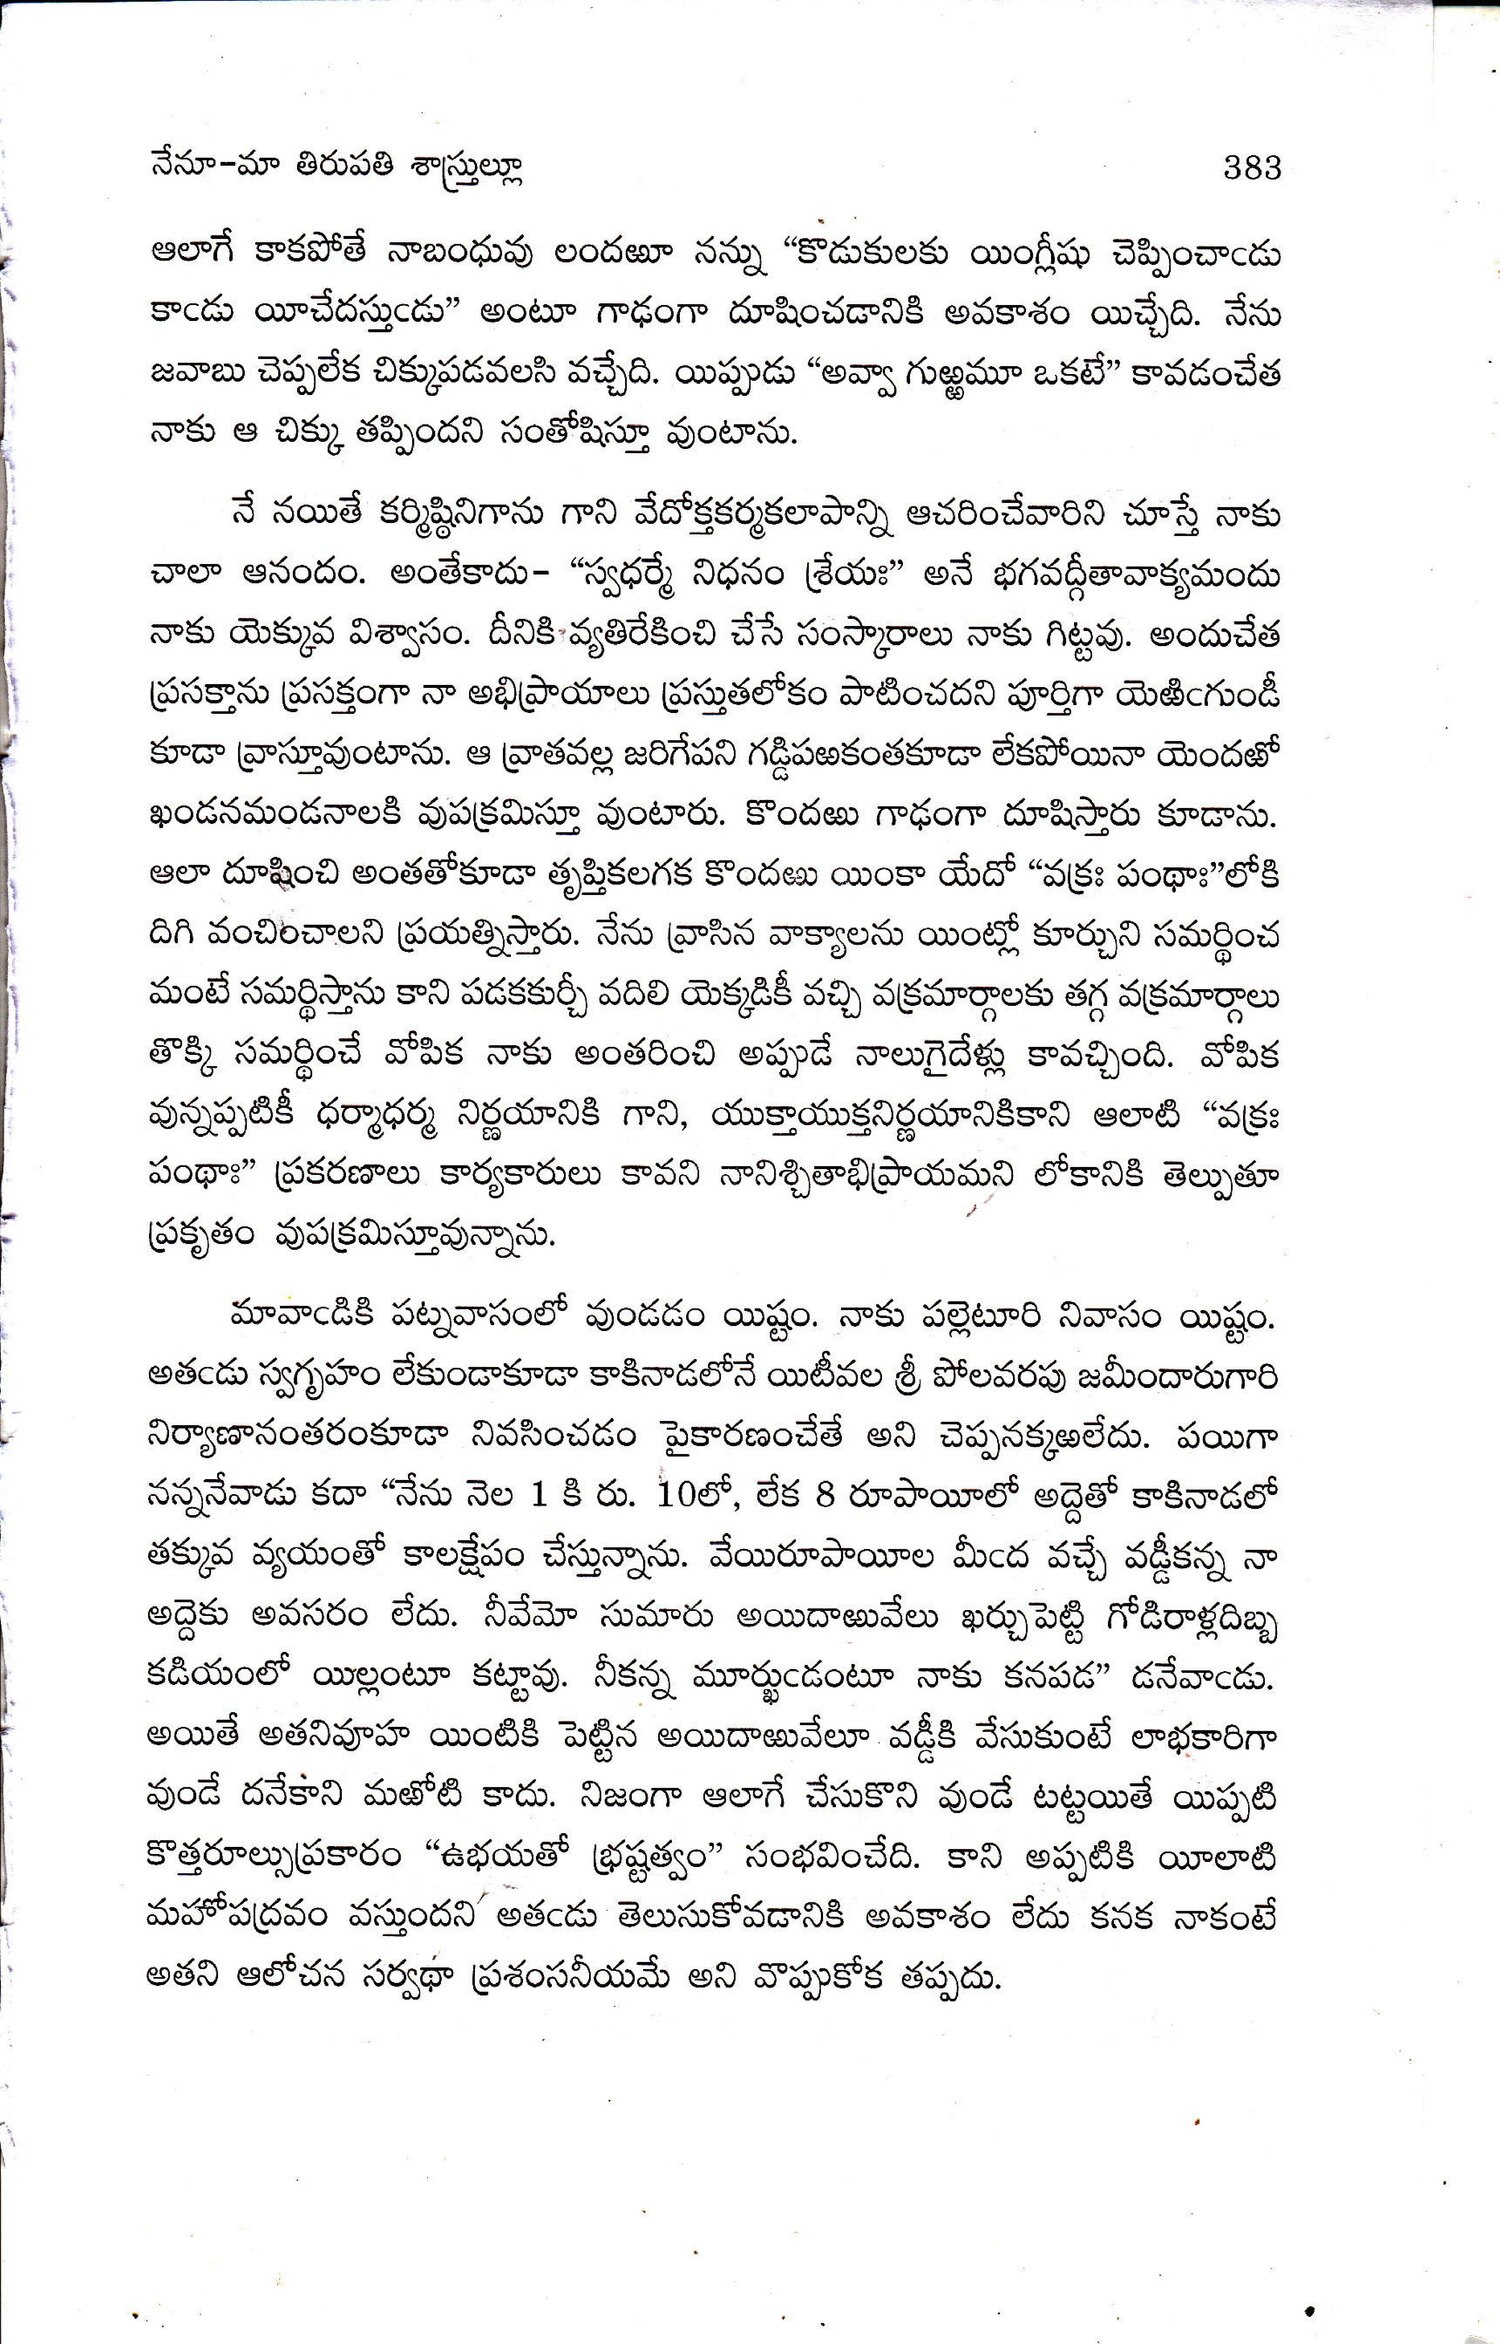ఆలాగే కాకపోతే నాబంధువు లందఱూ నన్ను "కొడుకులకు యింగ్లీషు చెప్పించాఁడు కాఁడు యీచేదస్తుఁడు" అంటూ గాఢంగా దూషించడానికి అవకాశం యిచ్చేది. నేను జవాబు చెప్పలేక చిక్కుపడవలసి వచ్చేది. యిప్పుడు “అవ్వా గుఱ్ఱమూ ఒకటే" కావడంచేత నాకు ఆ చిక్కు తప్పిందని సంతోషిస్తూ వుంటాను.

నే నయితే కర్మిష్ఠినిగాను గాని వేదోక్తకర్మకలాపాన్ని ఆచరించేవారిని చూస్తే నాకు చాలా ఆనందం. అంతేకాదు- "స్వధర్మే నిధనం శ్రేయః" అనే భగవద్గీతావాక్యమందు నాకు యెక్కువ విశ్వాసం. దీనికి వ్యతిరేకించి చేసే సంస్కారాలు నాకు గిట్టవు. అందుచేత ప్రసక్తాను ప్రసక్తంగా నా అభిప్రాయాలు ప్రస్తుతలోకం పాటించదని పూర్తిగా యెఱిఁగుండీ కూడా వ్రాస్తూవుంటాను. ఆ వ్రాతవల్ల జరిగేపని గడ్డిపఱకంతకూడా లేకపోయినా యెందఱో ఖండనమండనాలకి వుపక్రమిస్తూ వుంటారు. కొందఱు గాఢంగా దూషిస్తారు కూడాను. ఆలా దూషించి అంతతోకూడా తృప్తికలగక కొందఱు యింకా యేదో “వక్రః పంథాః”లోకి దిగి వంచించాలని ప్రయత్నిస్తారు. నేను వ్రాసిన వాక్యాలను యింట్లో కూర్చుని సమర్థించ మంటే సమర్ధిస్తాను కాని పడకకుర్చీ వదిలి యెక్కడికీ వచ్చి వక్రమార్గాలకు తగ్గ వక్రమార్గాలు తొక్కి సమర్ధించే వోపిక నాకు అంతరించి అప్పుడే నాలుగైదేళ్లు కావచ్చింది. వోపిక వున్నప్పటికీ ధర్మాధర్మ నిర్ణయానికి గాని, యుక్తాయుక్తనిర్ణయానికికాని ఆలాటి “వక్రః పంథా" ప్రకరణాలు కార్యకారులు కావని నానిశ్చితాభిప్రాయమని లోకానికి తెల్పుతూ ప్రకృతం వుపక్రమిస్తూవున్నాను. 

మావాఁడికి పట్నవాసంలో వుండడం యిష్టం. నాకు పల్లెటూరి నివాసం యిష్టం. అతఁడు స్వగృహం లేకుండాకూడా కాకినాడలోనే యిటీవల శ్రీ పోలవరపు జమీందారుగారి నిర్యాణానంతరంకూడా నివసించడం పైకారణంచేతే అని చెప్పనక్కఱలేదు. పయిగా నన్ననేవాడు కదా "నేను నెల 1 కి రు. 10లో, లేక 8 రూపాయిలో అద్దెతో కాకినాడలో తక్కువ వ్యయంతో కాలక్షేపం చేస్తున్నాను. వేయిరూపాయిల మీఁద వచ్చే వడ్డీకన్న నా అద్దెకు అవసరం లేదు. నీవేమో సుమారు అయిదాఱువేలు ఖర్చుపెట్టి గోడిరాళ్లదిబ్బ కడియంలో యిల్లంటూ కట్టావు. నీకన్న మూర్జుఁడంటూ నాకు కనపడ" డనేవాఁడు. అయితే అతనివూహ యింటికి పెట్టిన అయిదాఱువేలూ వడ్డీకి వేసుకుంటే లాభకారిగా వుండే దనేకాని మఱోటి కాదు. నిజంగా ఆలాగే చేసుకొని వుండే టట్టయితే యిప్పటి కొత్తరూల్సుప్రకారం “ఉభయతో భ్రష్టత్వం” సంభవించేది. కాని అప్పటికి యీలాటి మహోపద్రవం వస్తుందని అతఁడు తెలుసుకోవడానికి అవకాశం లేదు కనక నాకంటే అతని ఆలోచన సర్వథా ప్రశంసనీయమే అని వొప్పుకోక తప్పదు.